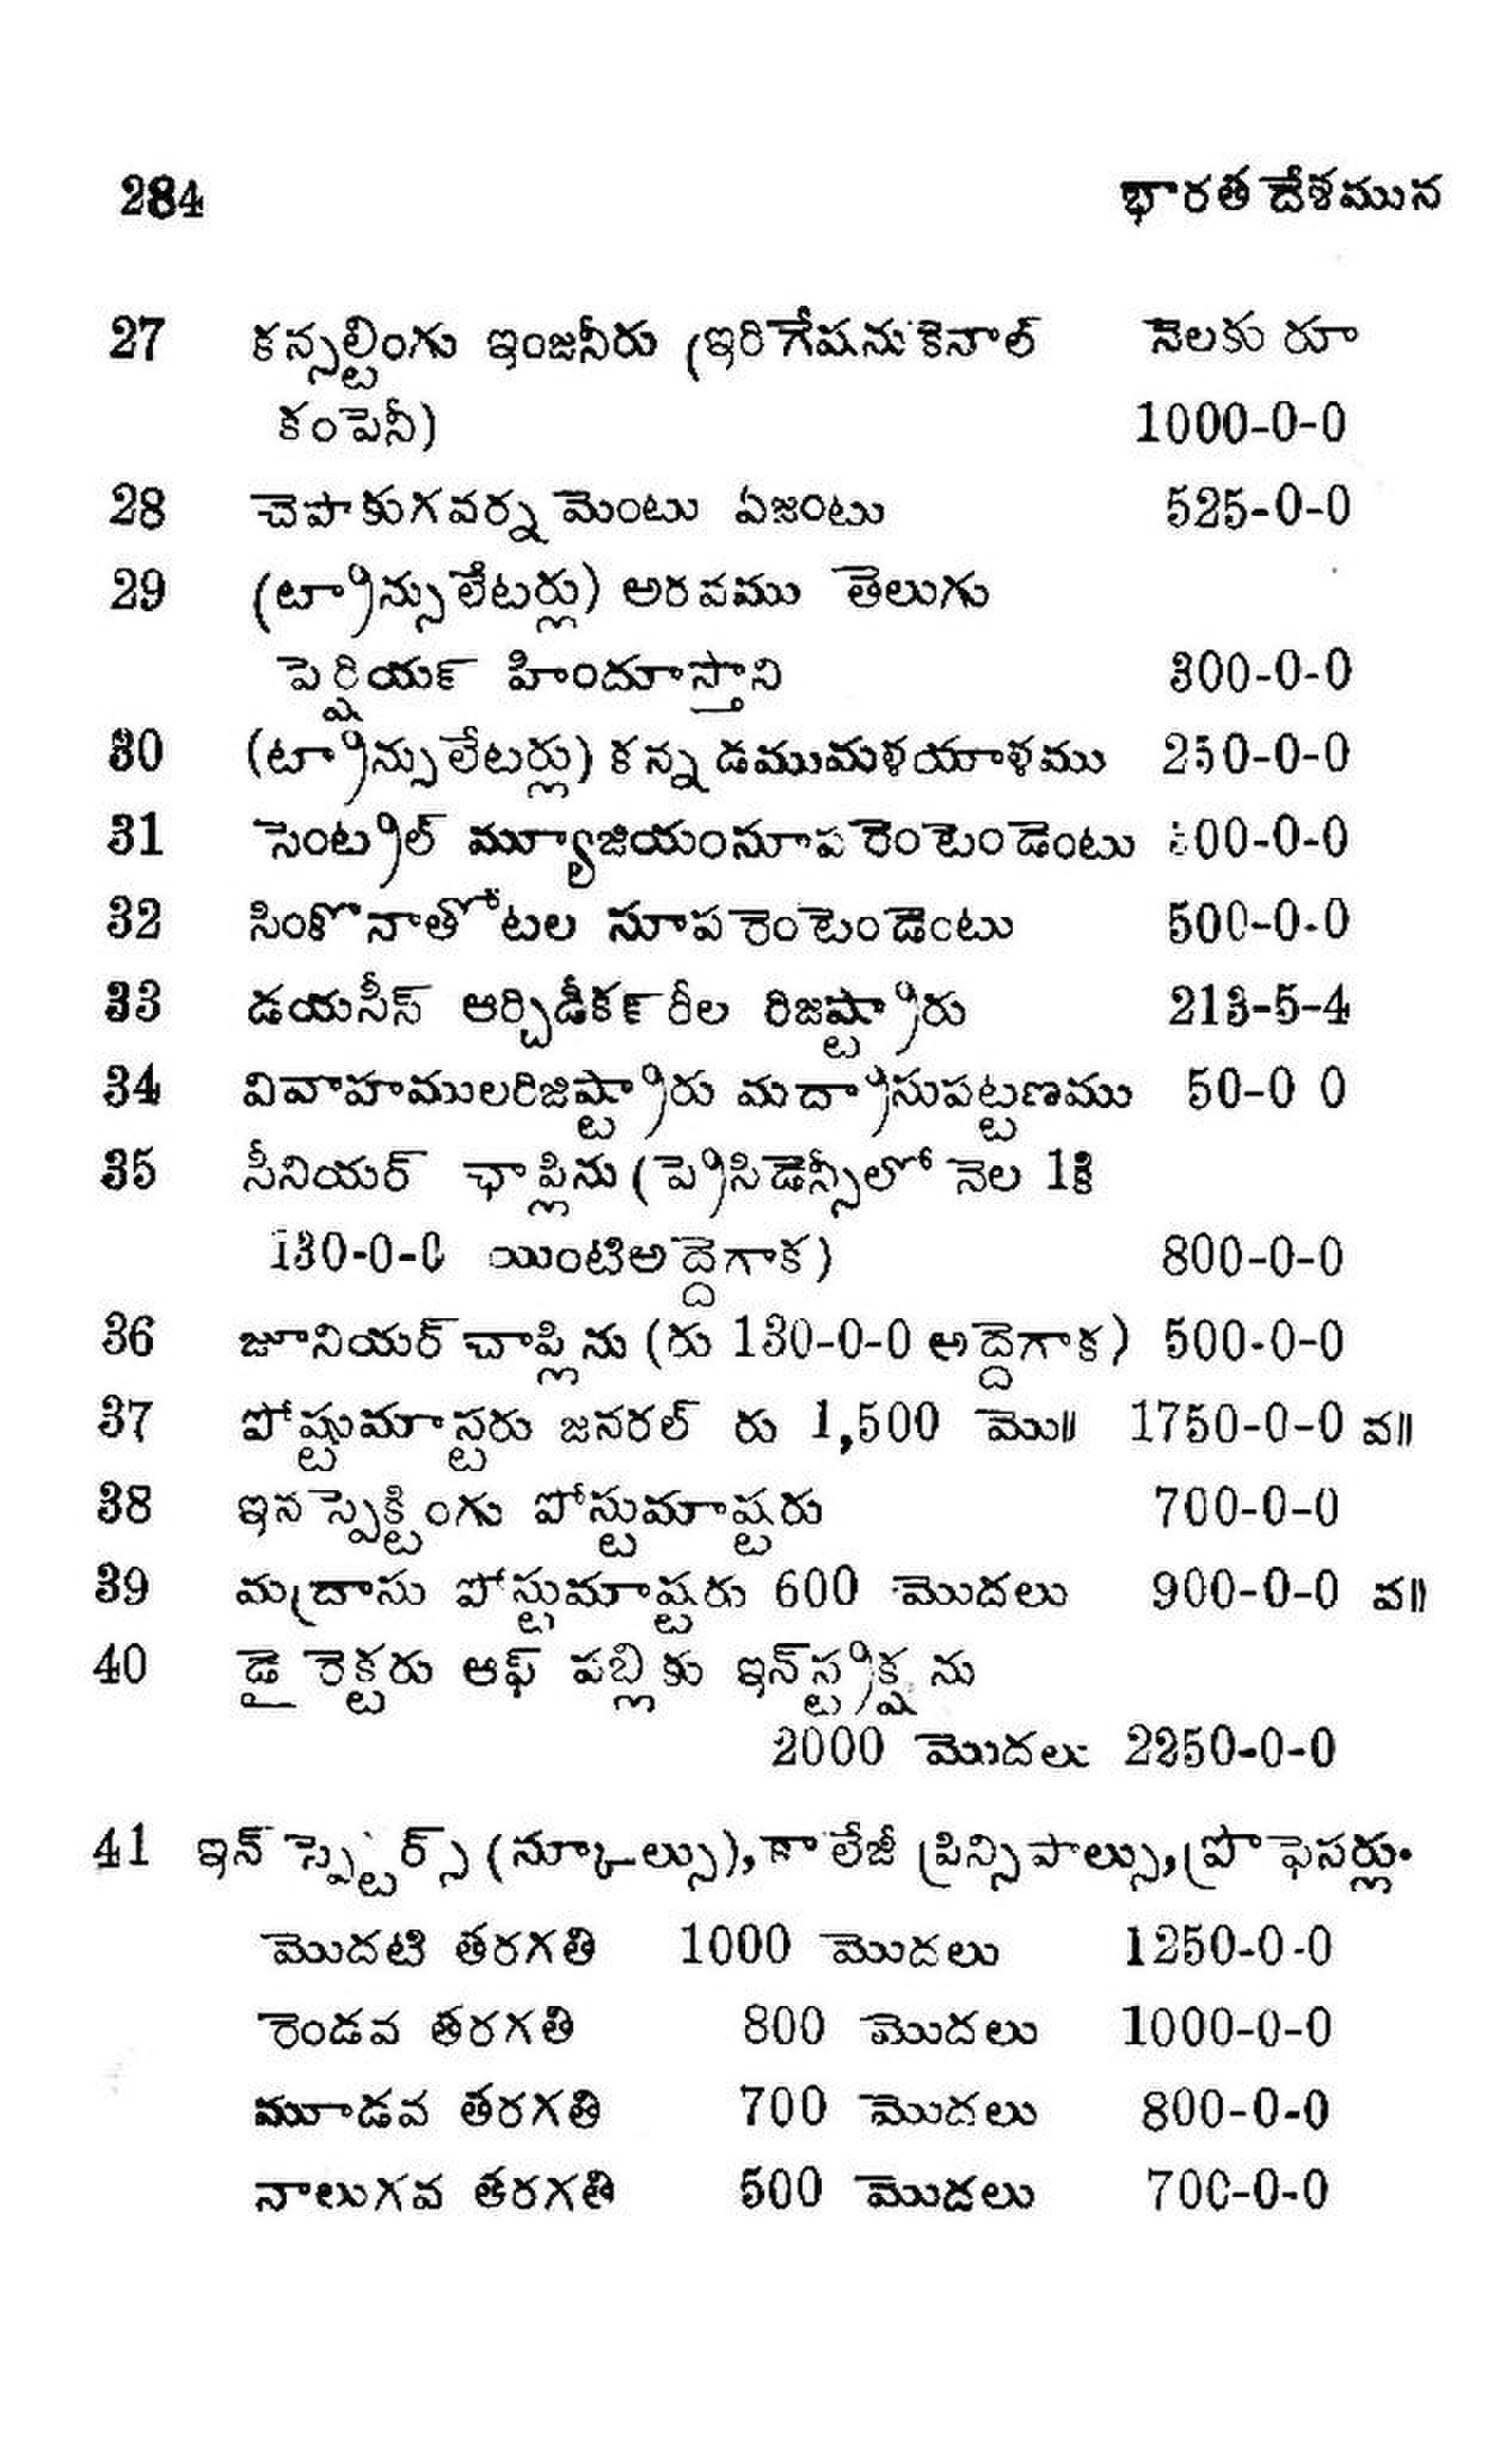27 కన్సల్టింగు ఇంజనీరు (ఇరిగేషనుకెనాల్ కంపెనీ) నెలకు రూ 1000-0-0 28 చెపాకుగవర్నమెంటు ఏజెంటు 525-0-0 29 (ట్రాన్సులేటర్లు) అరవము తెలుగు పెర్షియ౯ హిందూస్థాని 300-0-0 30 (ట్రాన్సులేటర్లు) కన్నడముమళయాళము 250-0-0 31 సెంట్రల్ మ్యూజియంసూపరెంటెండెంటు 300-0-0 32 సింకొనాతోటల సూపరెంటెండెంటు 500-0-0 33 డయసీస్ ఆర్చిడీక౯రీల రిజిష్ట్రారు 213-5-4 34 వివాహములరిజిష్ట్రారు మద్రాసుపట్టణము 50-0-0 35 సీనియర్ ఛాప్లిను (ప్రెసిడెన్సీలో నెల 1కి 130-0-0 యింటిఅద్దెగాక) 800-0-0 36 జూనియర్ ఛాప్లిను (రు 130-0-0 యింటి అద్దెగాక) 500-0-0 37 పోష్టుమాస్టరు జనరల్ రు 1,500 మొ 1750-0-0 వరకు 38 ఇనస్పెక్టింగు పోస్టుమాష్టరు 700-0-0 39 మద్రాసు పోస్టుమాస్టరు 600 మొదలు 900-0-0 వరకు 40 డైరెక్టరు ఆఫ్ పబ్లికు ఇన్‌స్ట్రక్షను 2000 మొదలు 2250-0-0 41 ఇన్‌స్పెక్టర్స్ (స్కూల్సు), కాలేజీ ప్రిన్సిపాల్సు ప్రొఫెసర్లు మొదటి తరగతి 1000మొదలు 1250-0-0 - రెండవతరగతి 800 మొదలు 1000-0-0 - మూడవ తరగతి 700 మొదలు 800-0-0 - నాలుగవ తరగతి 500 మొదలు 700-0-0